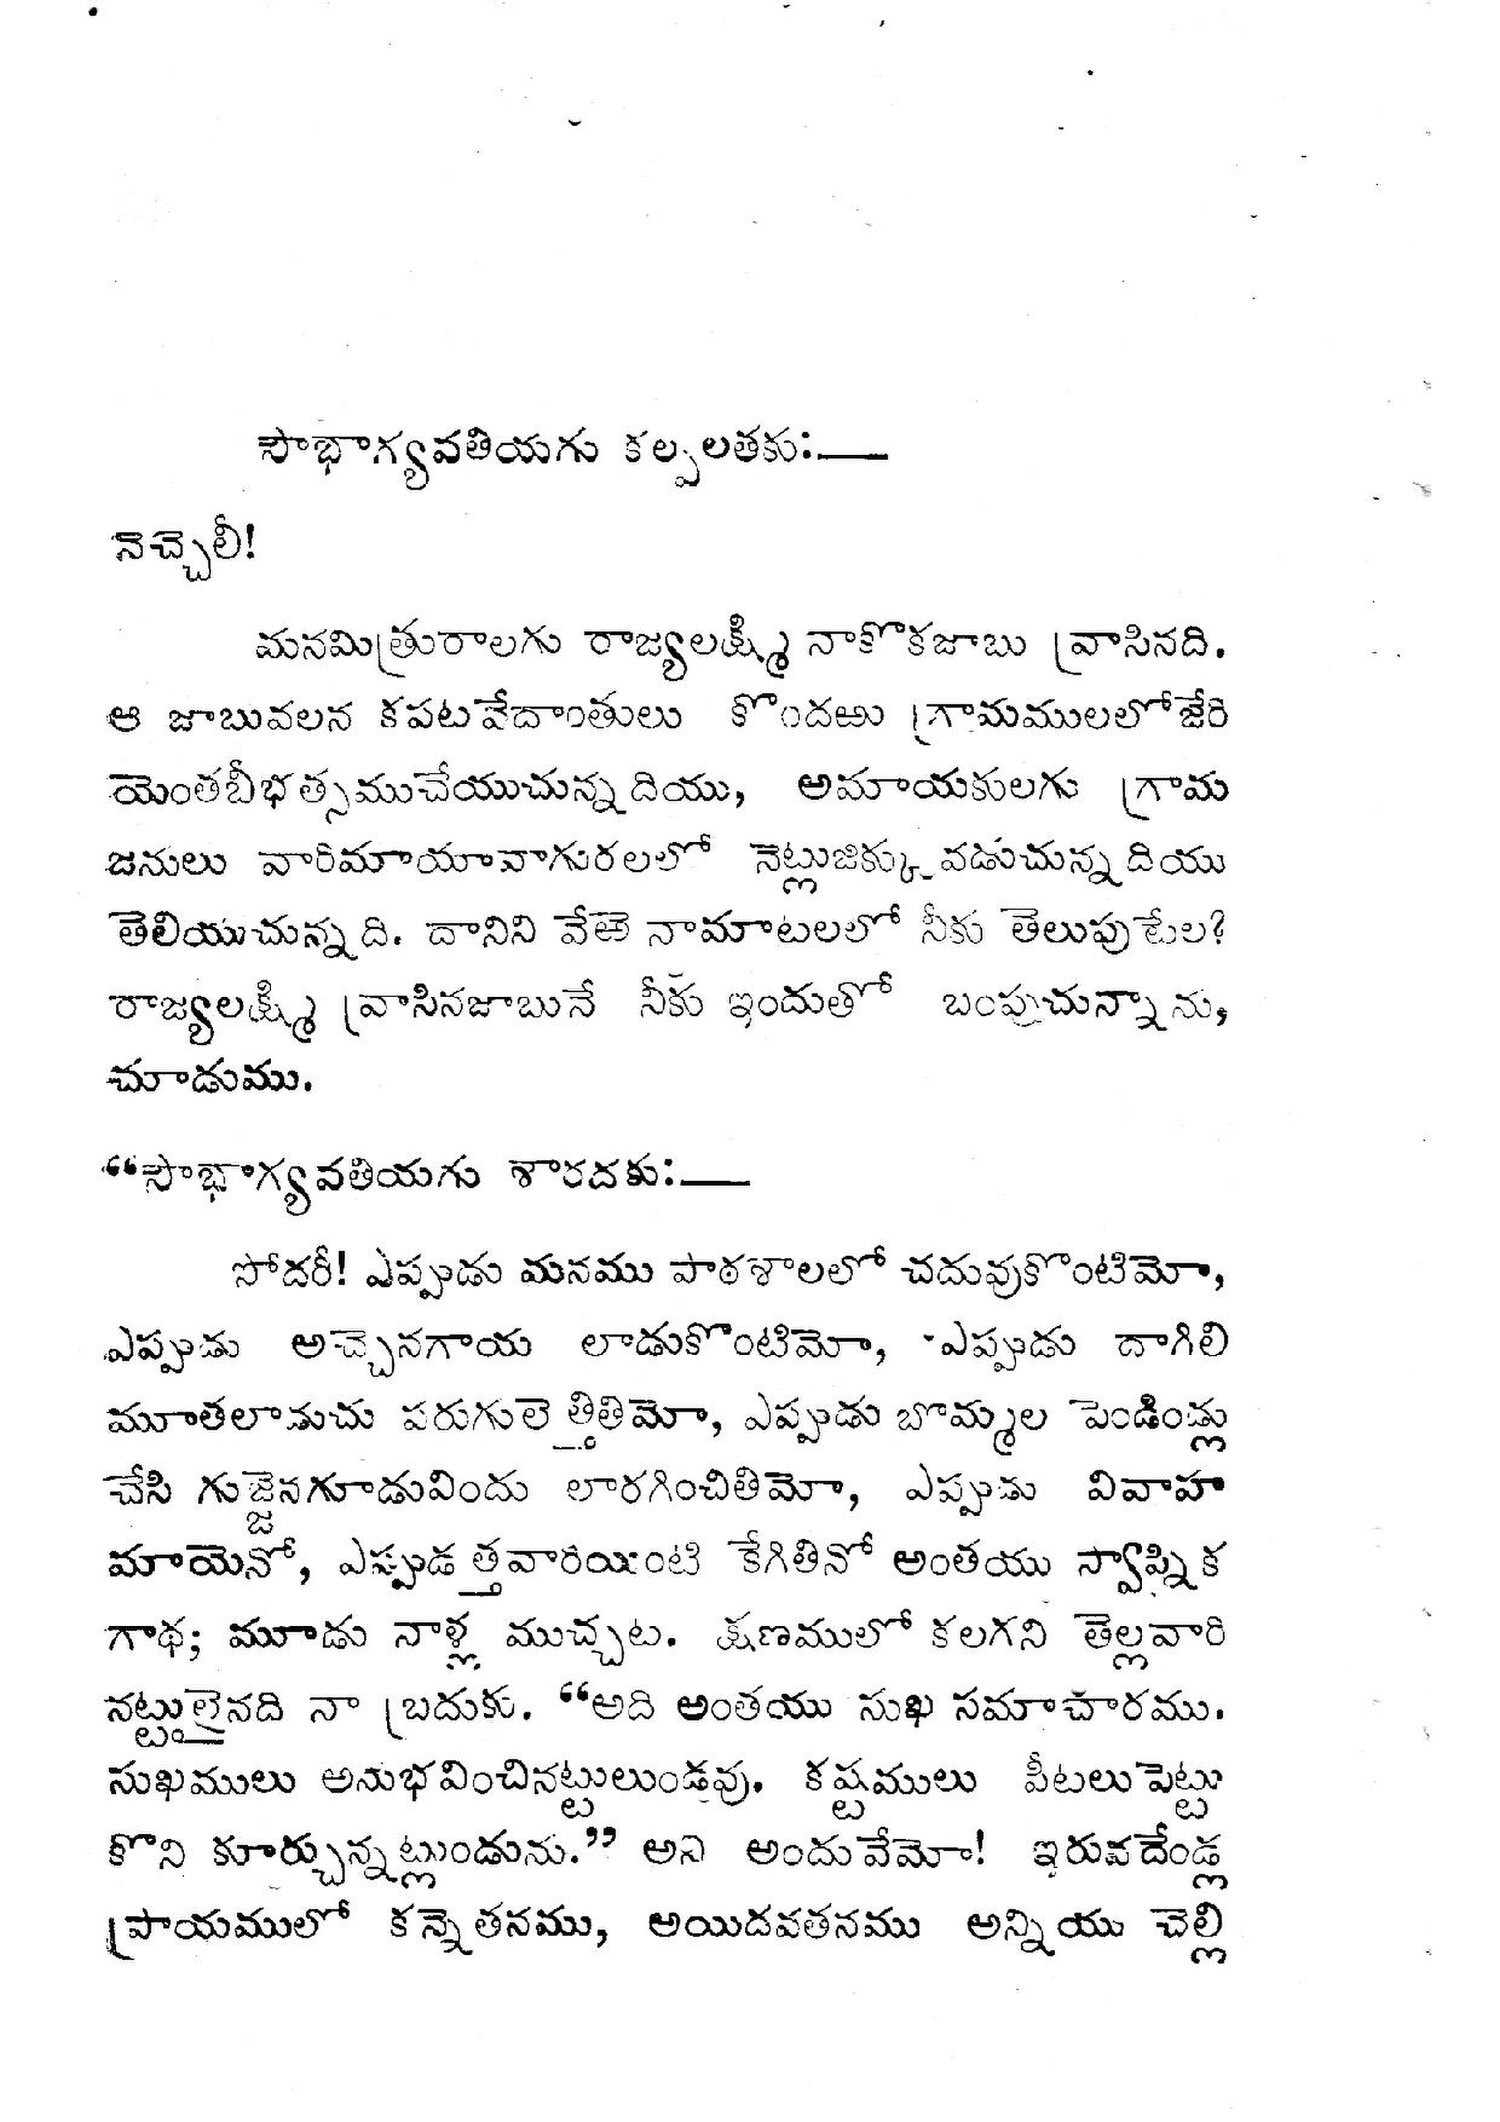సౌభాగ్యవతియగు కల్పలతకు:____
నెచ్చెలీ!

మనమిత్రురాలగు రాజ్యలక్ష్మి నాకొకజాబు వ్రాసినది.
ఆ జాబువలన కపటవేదాంతులు కొందఱు గ్రామములలో జేరి
యెంత బీభత్సముచేయుచున్నదియు, అమాయకులగు గ్రామ
జనులు వారిమాయావాగురలలో నెట్లు జిక్కువడుచున్న దియు
తెలియుచున్నది. దానిని వేఱె నామాటలతో నీకు తెలుపుటేల?
రాజ్యలక్ష్మి వ్రాసినజాబునే నీకు ఇందుతో బంపుచున్నాను,
చూడుము.

"సౌభాగ్యవతియగు శారదకు:___

సోదరీ! ఎప్పుడు మనము పాఠశాలలో చదువుకొంటిమో,
ఎప్పుడు అచ్చెనగాయ లాడుకొంటిమో, ఎప్పుడు దాగిలి
మూతలాడుచు పరుగులెత్తితిమో, ఎప్పుడు బొమ్మల పెండిండ్లు
చేసి గుజ్జెనగూడువిందు లారగించితిమో, ఎప్పుడు వివాహ
మాయెనో, ఎప్పుడ త్తవారియింటి కేగితినో అంతయు స్వాప్నిక
గాథ; మూడు నాళ్ల ముచ్చట. క్షణములో కలగని తెల్లవారి
నట్టులైనది నా బ్రదుకు. “అది అంతయు సుఖ సమాచారము.
సుఖములు అనుభవించినట్టులుండవు. కష్టములు పీటలు పెట్టు
కొని కూర్చున్నట్లుండును." అని అందువేమో! ఇరువదేండ్ల
ప్రాయములో కన్నెతనము, అయిదవతనము అన్నియు చెల్లి